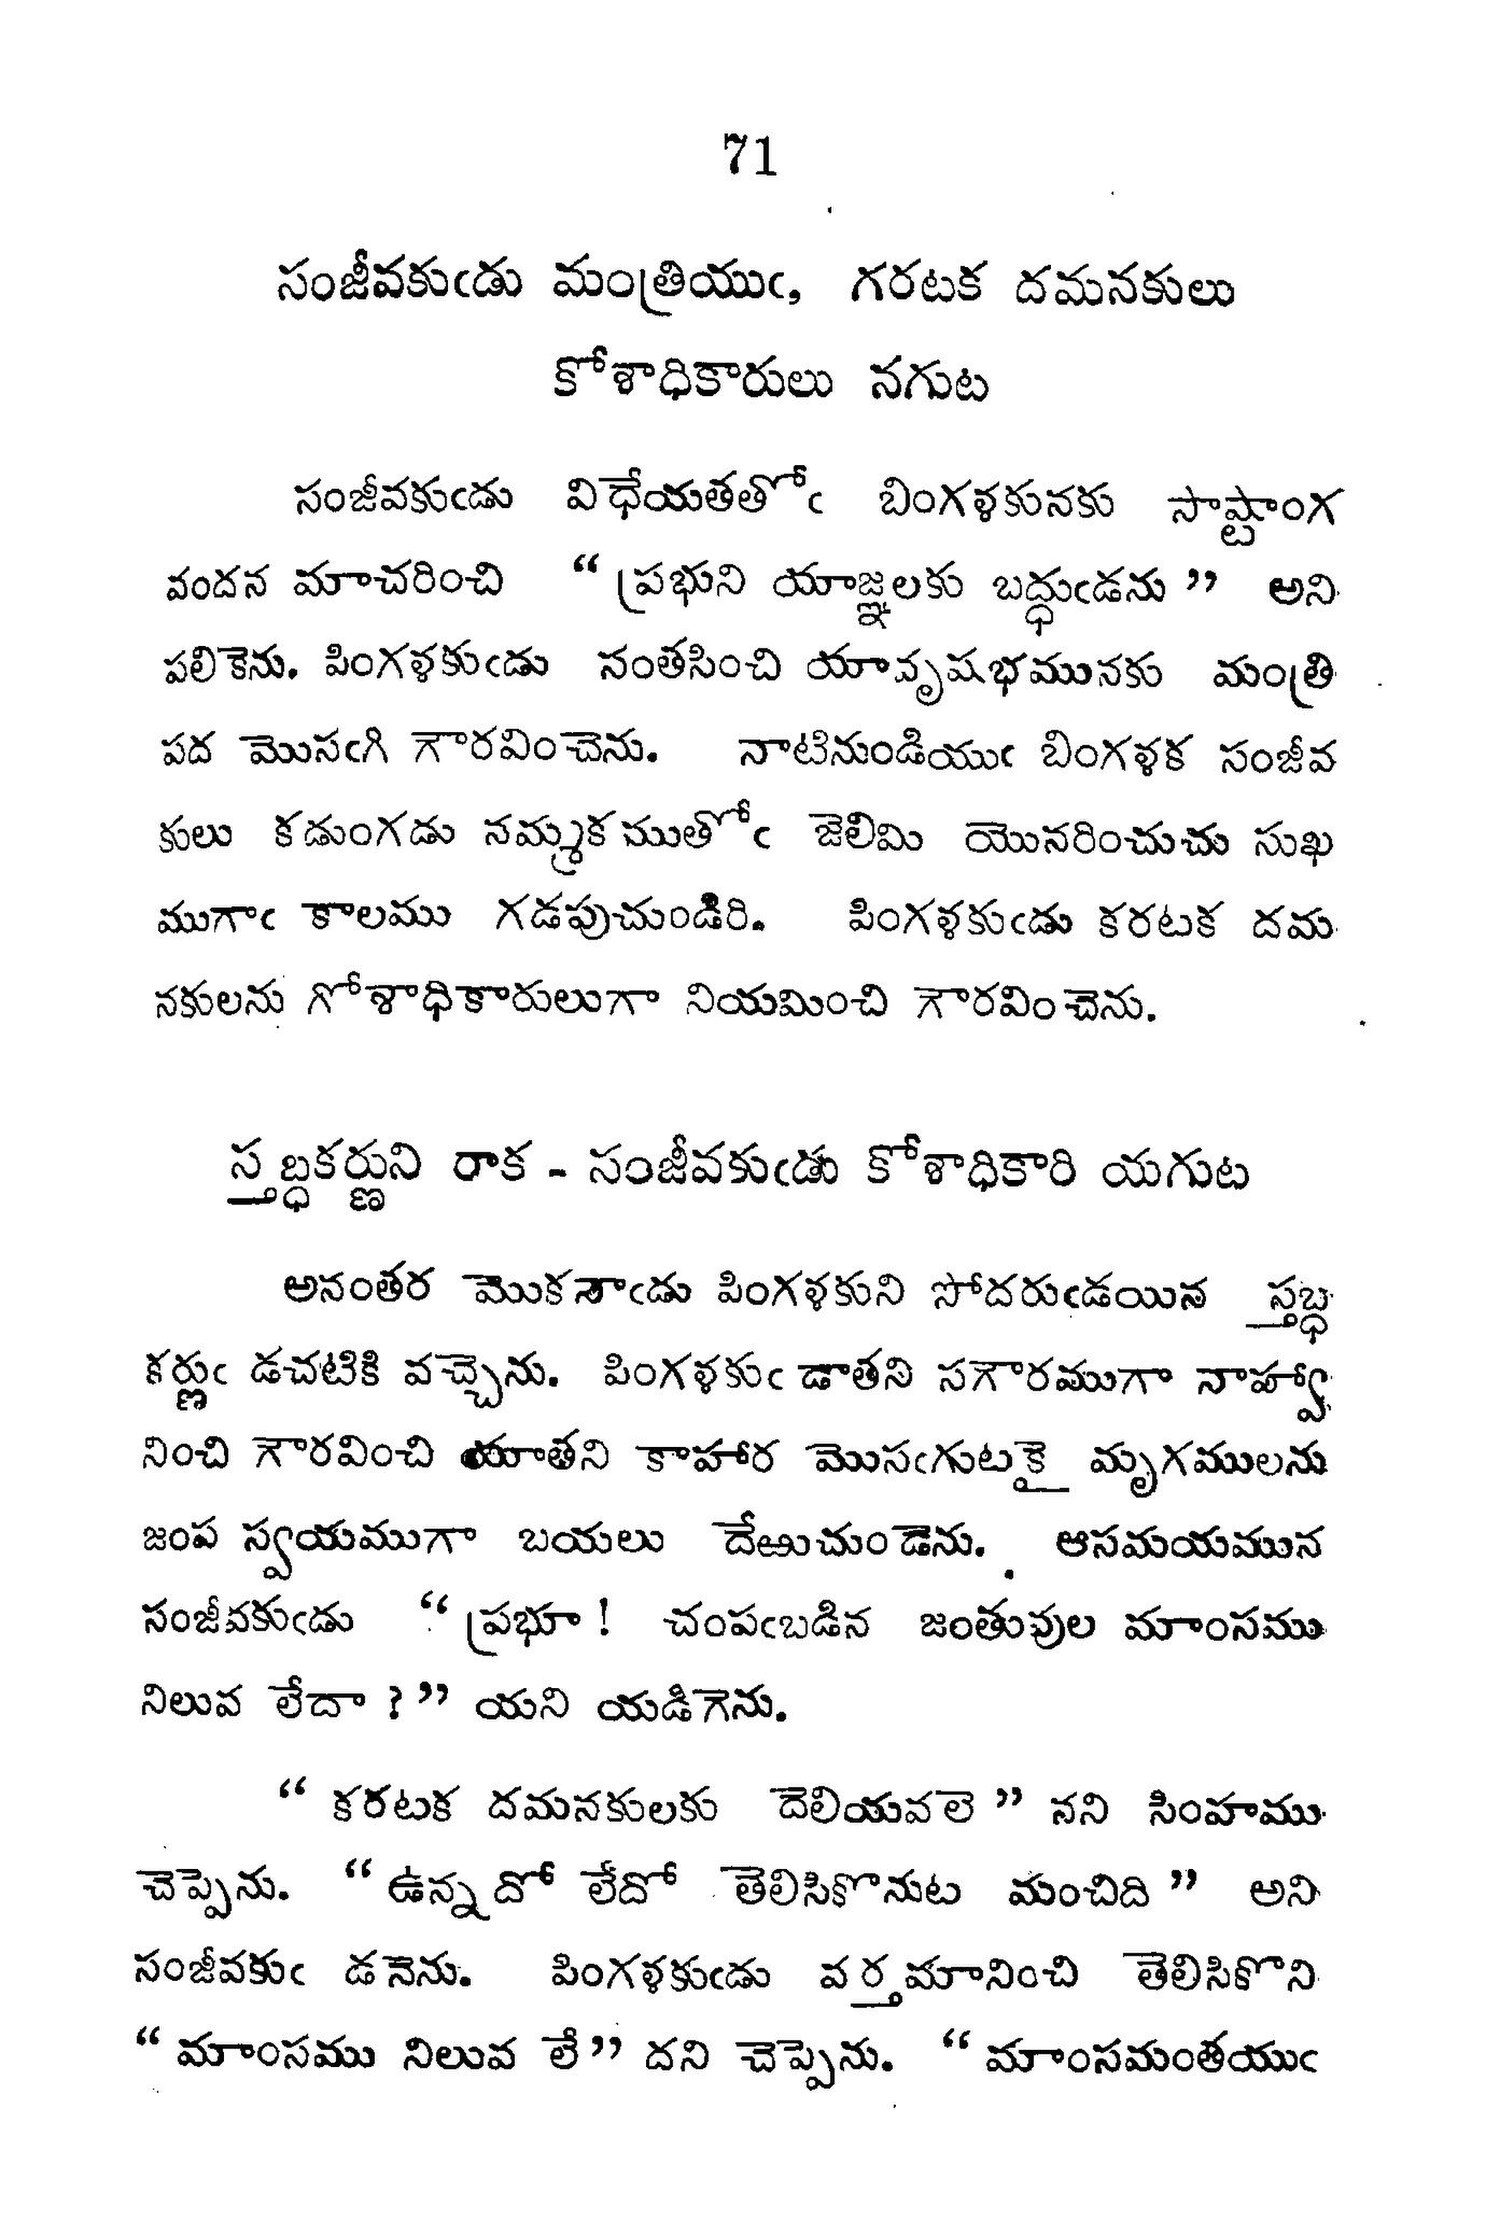సంజీవకుడు విధేయతతో బింగళకునకు సాష్టాంగ వందన మాచరించి "ప్రభుని యాజ్ఞలకు బద్ధుడను" అని పలికెను. పింగళకుడు సంతసించి యావృషభమునకు మంత్రి పద మొసగి గౌరవించెను. నాటినుండియు బింగళక సంజీవకులు కడుంగడు నమ్మకముతో జెలిమి యొనరించుచు సుఖముగా కాలము గడుపుచుండిరి. పింగళకుడు కరటక దమనకులను గోశాధికారులుగా నియమించి గౌరవించెను.

అనంతర మొకనాడు పింగళకుని సోదరుడయిన స్తబ్ధకర్ణు డచటికి వచ్చెను. పింగళకు డాతని సగౌరవముగా నాహ్వానించి గౌరవించి యాతని కాహార మొసగుటకై మృగములను జంప స్వయముగా బయలు దేఱుచుండెను. ఆసమయమున సంజీవకుడు "ప్రభూ! చంపబడిన జంతువుల మాంసము నిలువలేదా?" యని యడిగెను.

"కరటక దమనకులకు దెలియవలె" నని సింహము చెప్పెను. "ఉన్నదో లేదో తెలిసికొనుట మంచిది" అని సంజీవకు డనెను. పింగళకుడు వర్తమానించి తెలిసికొని "మాంసము నిలువ లే" దని చెప్పెను. "మాంసమంతయు